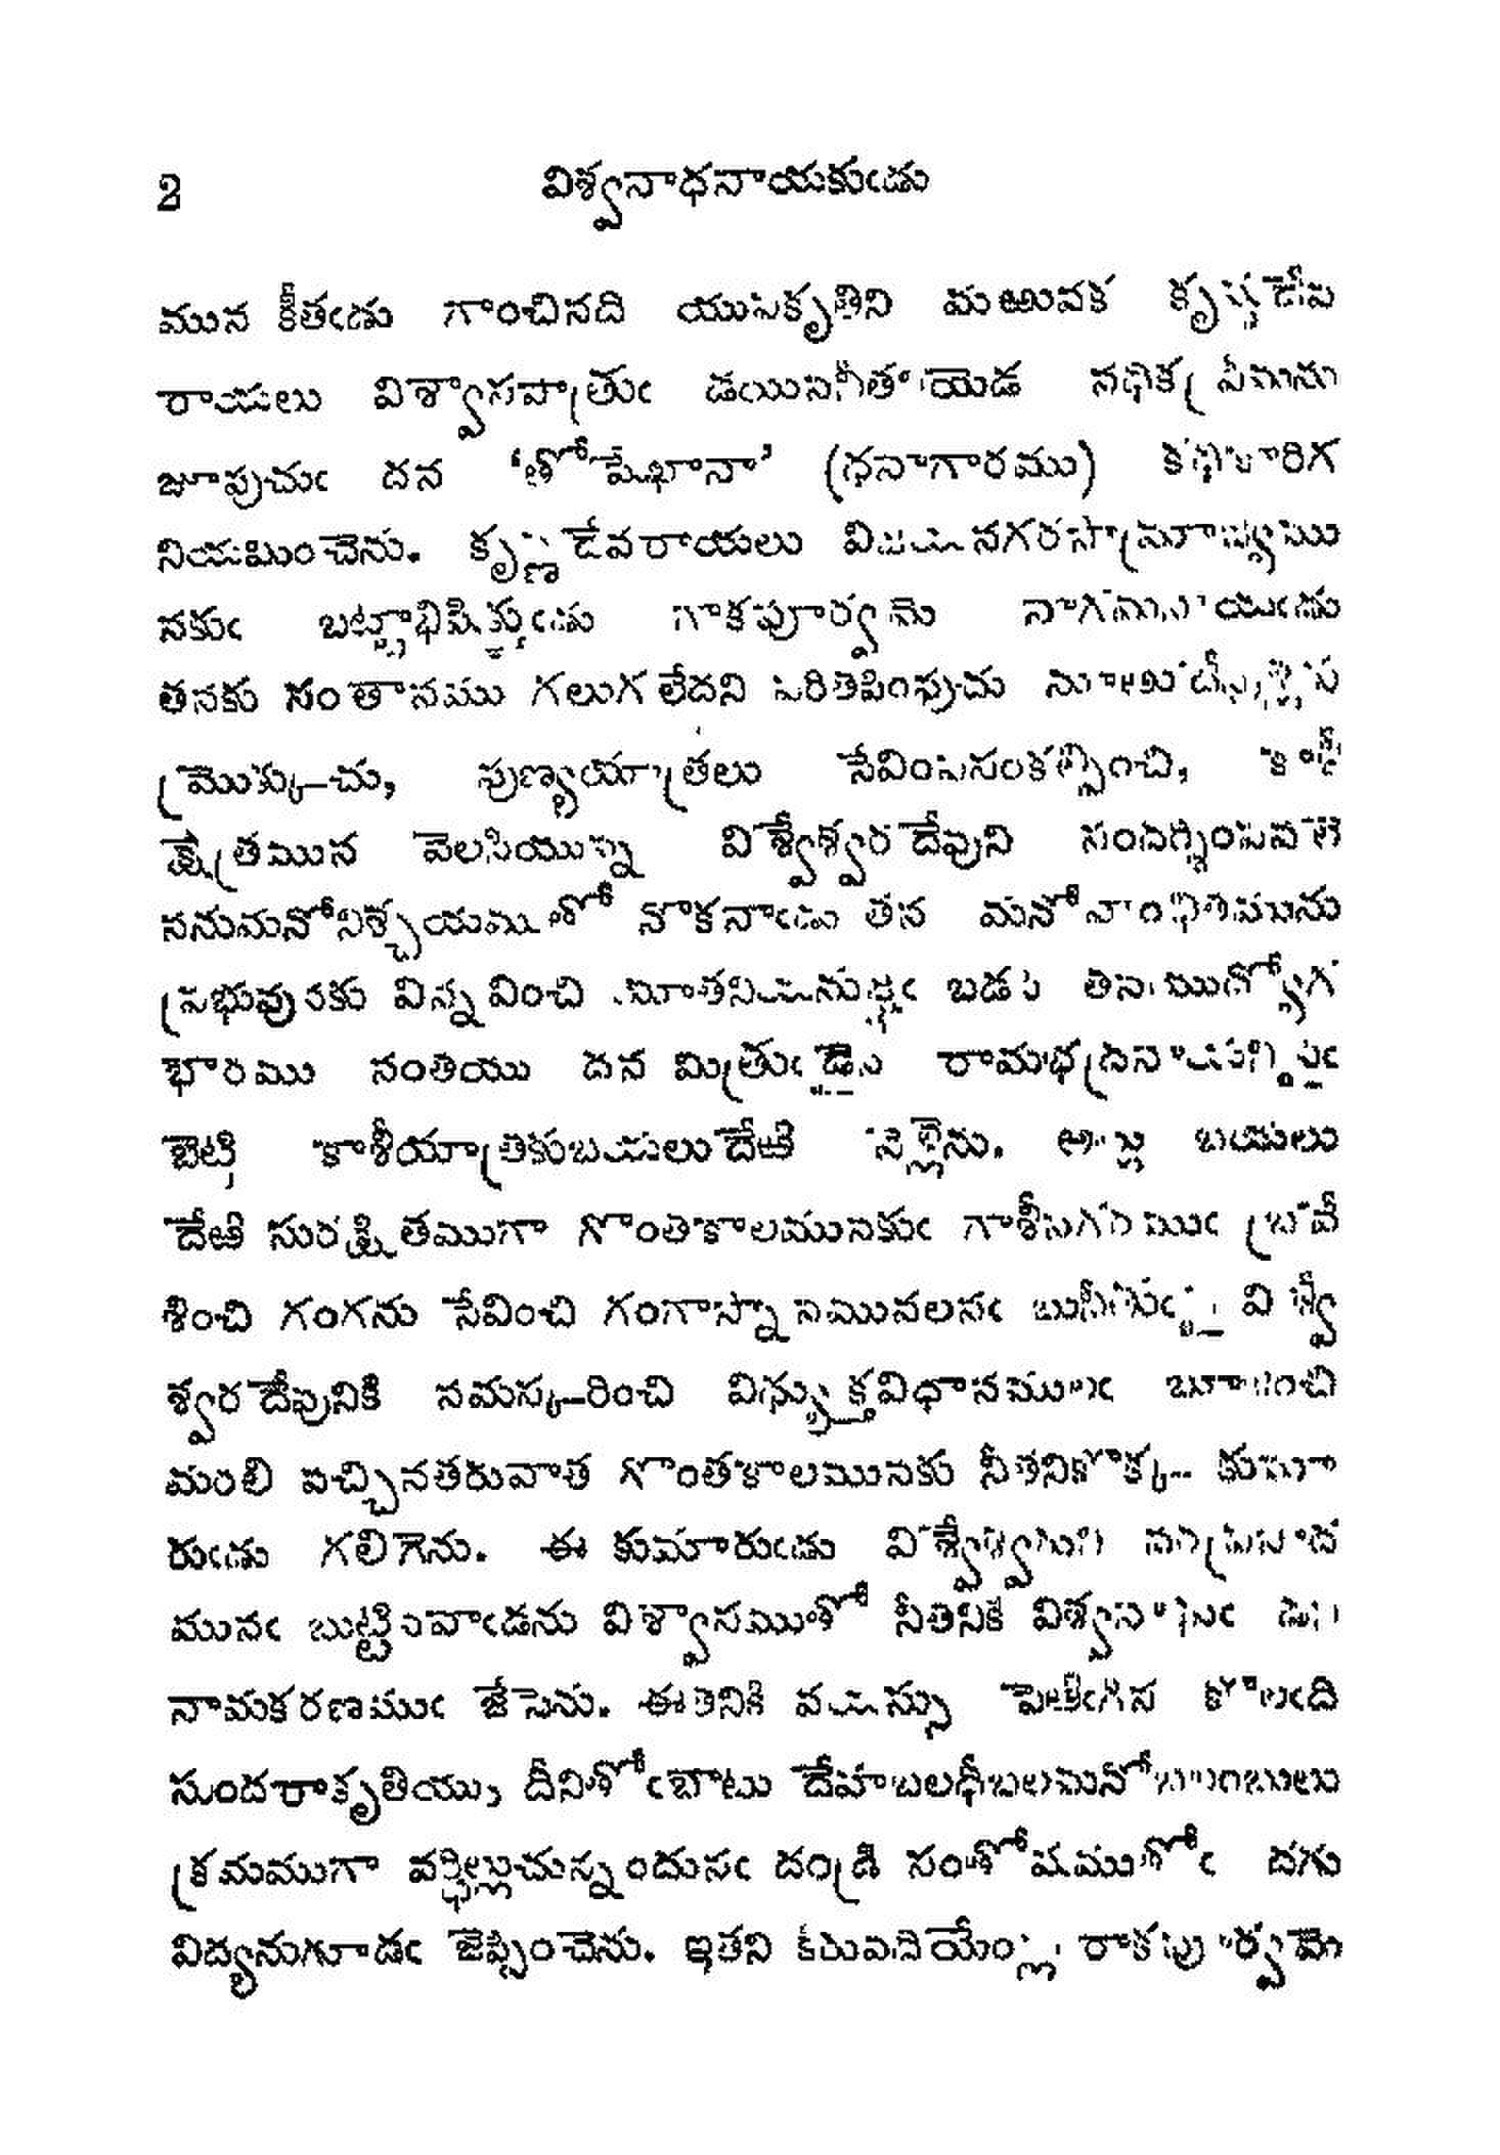మున కీతఁడు గాంచినది యుపకృతిని మఱువక కృష్ణదేవరాయలు విశ్వాసపాత్రుఁ డయిననీతనియెడ నధికప్రేమను జూపుచుఁ దన 'తోషేఖానా' (ధనాగారము) కధికారిగ నియమించెను. కృష్ణదేవరాయలు విజనగరసామ్రాజ్యమునకుఁ బట్టాభిషిక్తుఁడు గాకపూర్వమె నాగమనాయఁడు తనకు సంతానము గలుగ లేదని పరితపింపుచు నూఱుదేవుళ్లకు మ్రొక్కుచు, పుణ్యయాత్రలు సేవింపసంకల్పించి, కాశీ క్షేత్రమున వెలసియున్న విశ్వేశ్వర దేవుని సందర్శింపవలె ననుమనోనిశ్చయముతో నొకనాడు తన మనోవాంఛితమును ప్రభువునకు విన్నవించి యాతనియనుజ్ఞఁ బడసి తనయుద్యోగ భారము నంతయు దన మిత్రుఁడైన రామభద్రనాయనిపైఁబెట్టి కాశీయాత్రకుబయలుదేఱి వెళ్లెను. అట్లు బయలుదేఱి సురక్షితముగా గొంతకాలమునకుఁ గాశీనగరముఁ బ్రవేశించి గంగను సేవించి గంగాస్నానమువలనఁ బునీతుఁడై విశ్వేశ్వరదేవునికి నమస్కరించి విధ్యుక్తవిధానములఁ బూజించి మరలి వచ్చినతరువాత గొంతకాలమునకు నీతనికొక్క కుమారుఁడు గలిగెను. ఈ కుమారుఁడు విశ్వేశ్వరుని వరప్రసాదమునఁ బుట్టినవాఁడను విశ్వాసముతో నీతనికి విశ్వనాథుఁ డని నామకరణముఁ జేసెను. ఈతనికి వయస్సు పెఱిఁగిన కొలఁది సుందరాకృతియుం దీనితోఁబాటు దేహబలధీబలమనోబలంబులు క్రమముగా వర్థిల్లుచున్నందునఁ దండ్రి సంతోషముతోఁ దగు విద్యనుగూడఁ జెప్పించెను. ఇతని కిరువదియేండ్లు రాకపూర్వమె